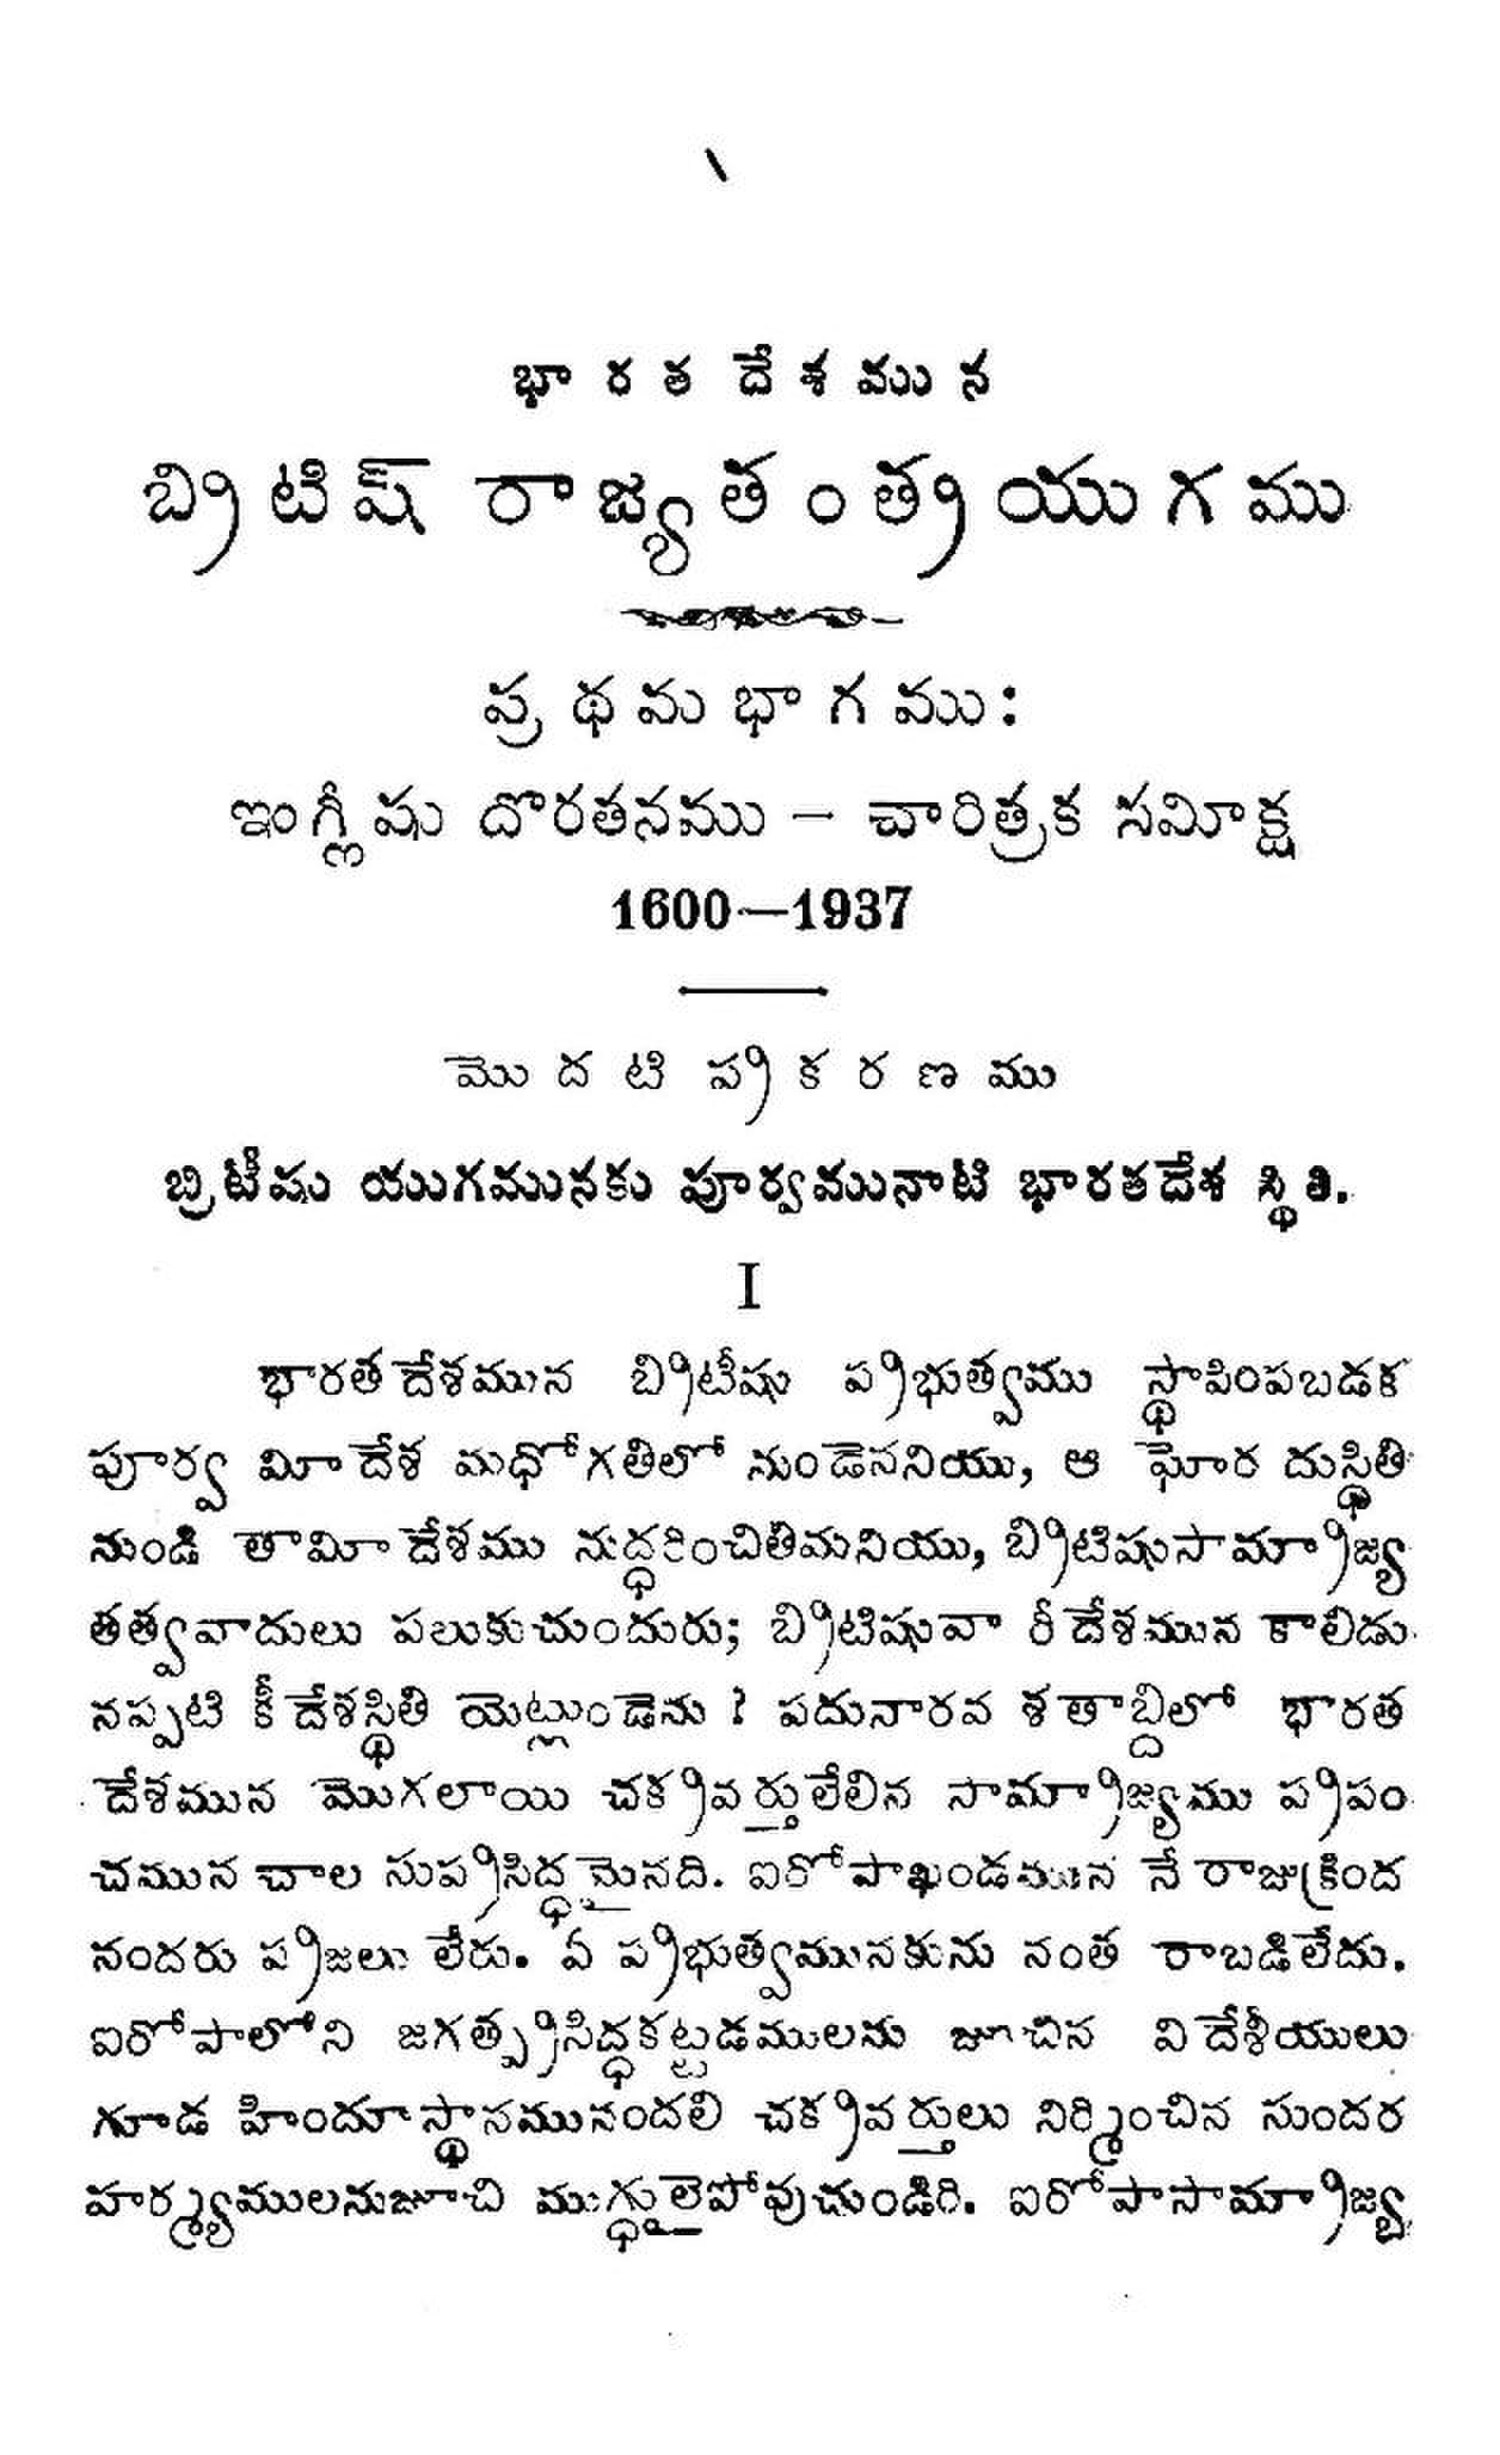భారత దేశమున 

బ్రిటిష్ రాజ్యతంత్ర యుగము

ప్రథమ భాగము: 

ఇంగ్లీషు దొరతనము - చారిత్రక సమీక్ష

1600-1937

మొదటి ప్రకరణము 

బ్రిటీషు యుగమునకు పూర్వమునాటి భారతదేశ స్థితి.

 I

భారతదేశమున బ్రిటీషు ప్రభుత్వము స్థాపింపబడక పూర్వ మీదేశ మధోగతిలో నుండెననియు, ఆ ఘోర దుస్థితినుండి తామీదేశము నుద్దరించితిమనియు, బ్రిటిషుసామాజ్య తత్వవాదులు పలుకుచుందురు; బ్రిటిషువా రీదేశమున కాలిడు నప్పటి కీ దేశస్థితి యెట్లుండెను? పదునారవ శతాబ్దిలో భారత దేశమున మొగలాయి చక్రవర్తులేలిన సామ్రాజ్యము ప్రపంచమున చాల సుప్రసిద్ధ మైనది. ఐరోపాఖండమున నే రాజు క్రింద నందరు ప్రజలు లేరు. ఏ ప్రభుత్వమునకును నంత రాబడి లేదు. ఐరోపాలోని జగత్ప్రసిద్ధకట్టడములను జూచిన విదేశీయులు గూడ హిందూస్థానమునందలి చక్రవర్తులు నిర్మించిన సుందర హర్మ్యములనుజూచి ముగ్ధులైపోవుచుండిరి. ఐరోపాసామ్రాజ్య